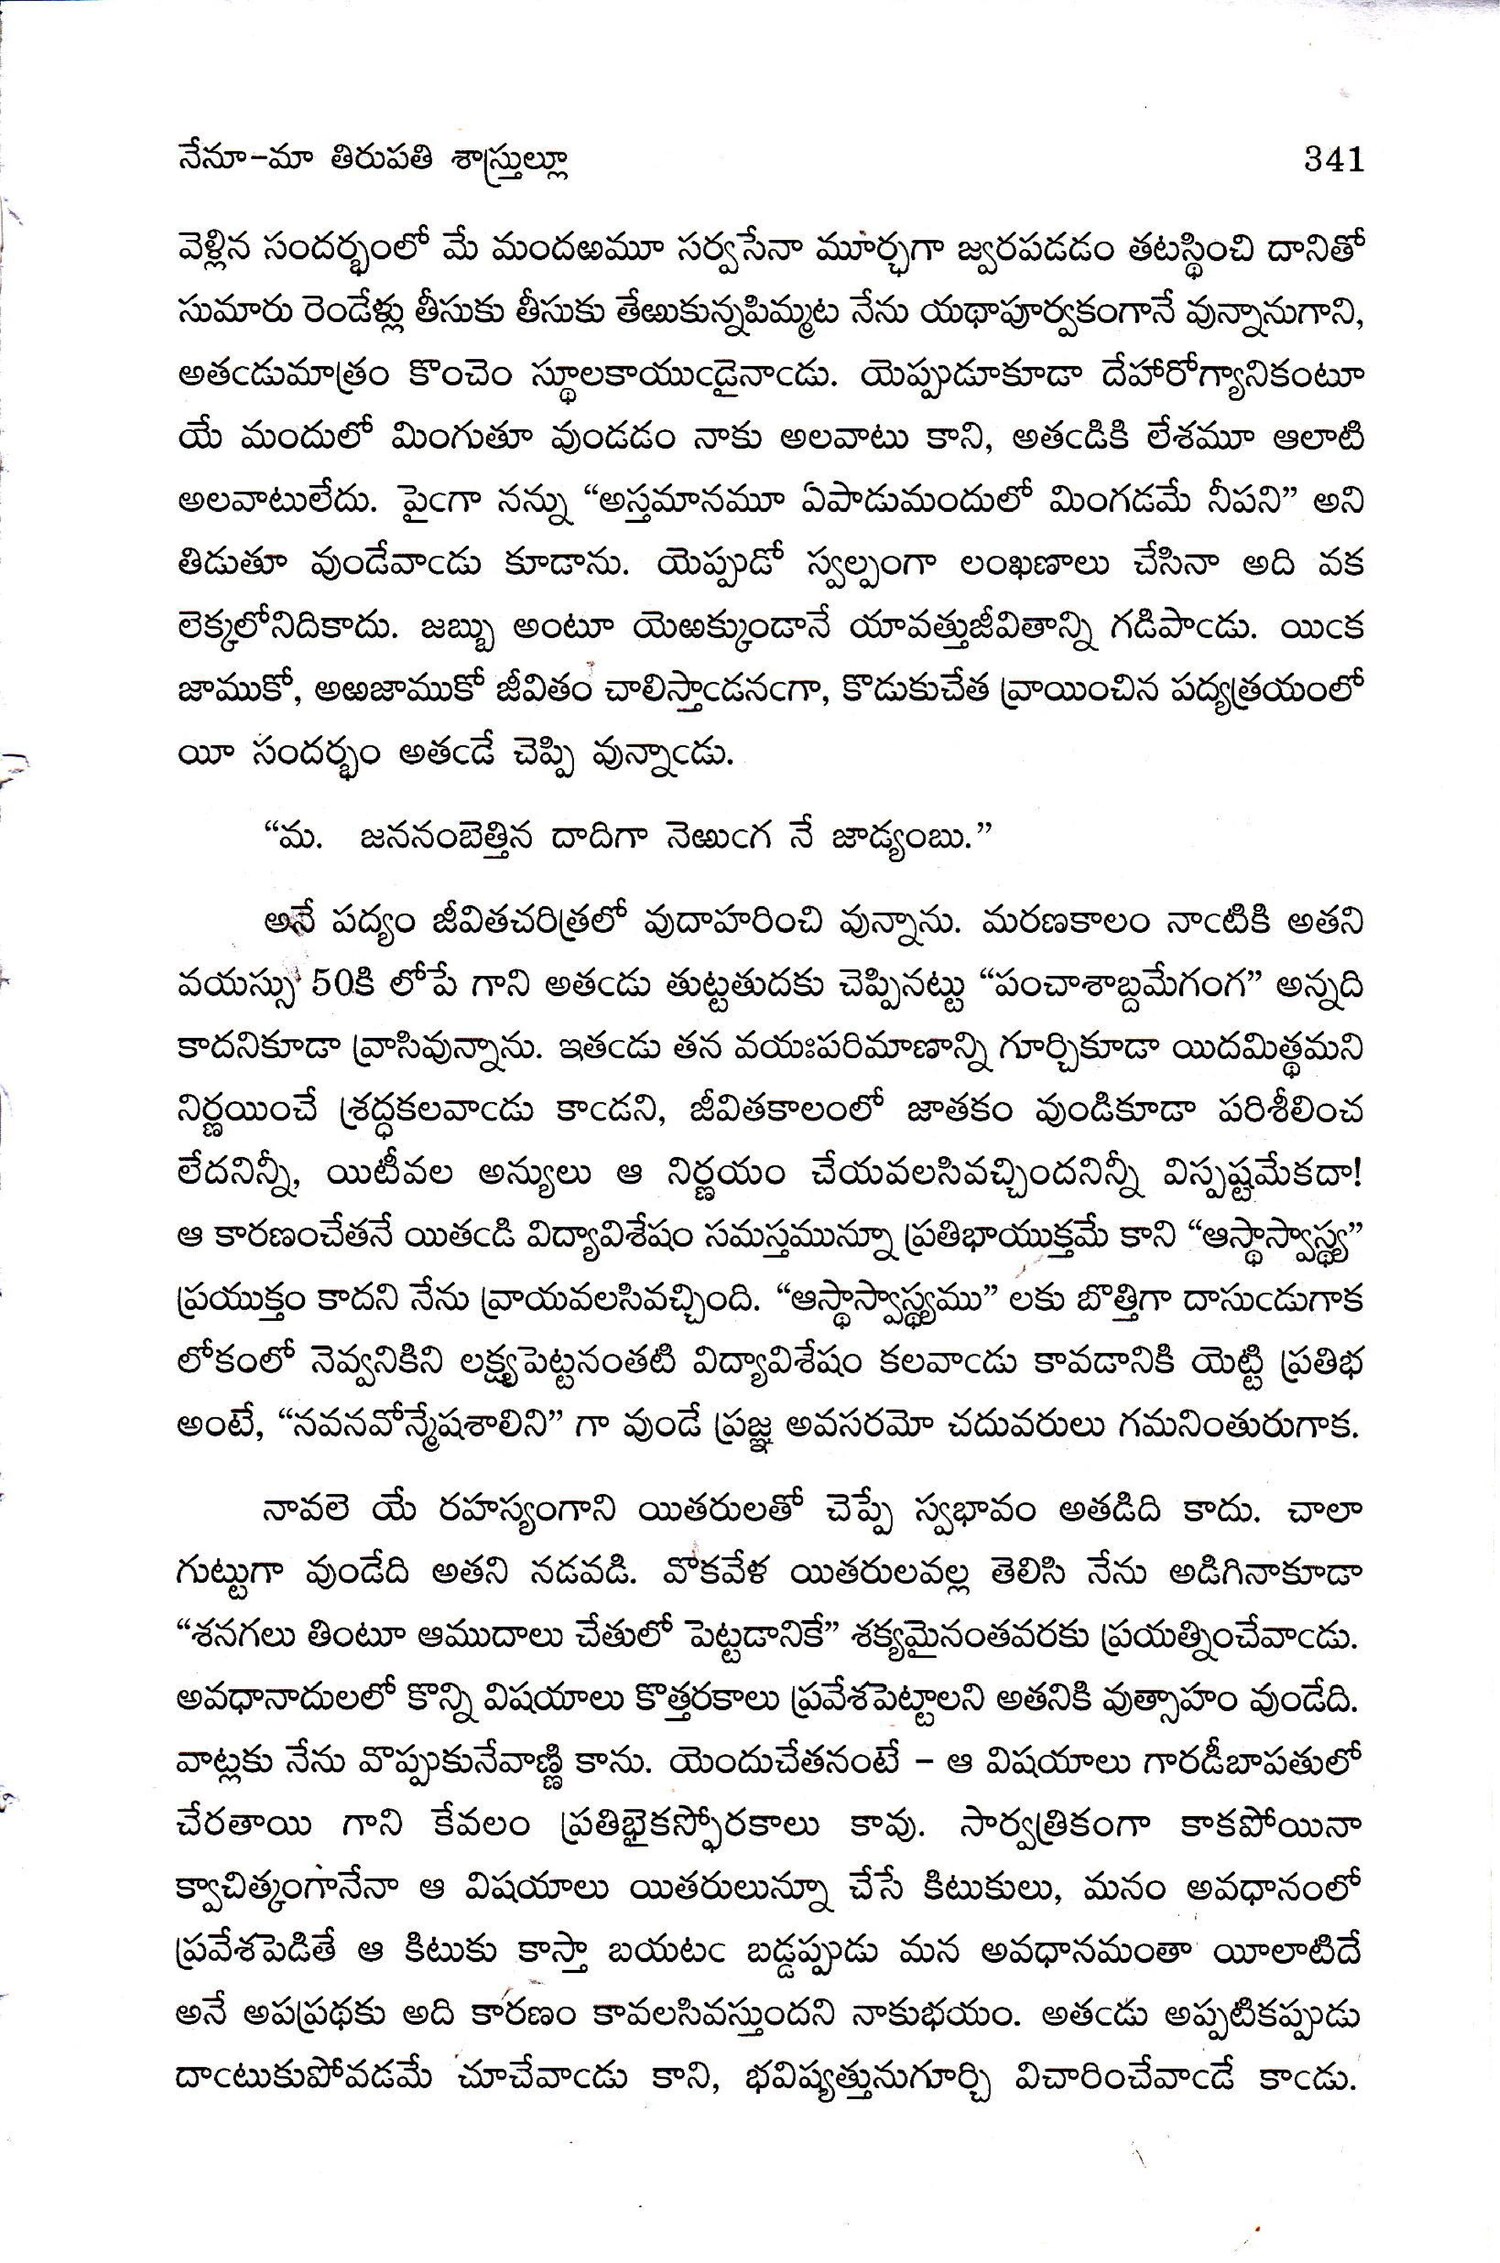వెళ్లిన సందర్భంలో మే మందఱమూ సర్వసేనా మూర్చగా జ్వరపడడం తటస్థించి దానితో సుమారు రెండేళ్లు తీసుకు తీసుకు తేఱుకున్నపిమ్మట నేను యధాపూర్వకంగానే వున్నానుగాని, అతఁడుమాత్రం కొంచెం సూలకాయుఁడైనాఁడు. యెప్పుడూకూడా దేహారోగ్యానికంటూ యే మందులో మింగుతూ వుండడం నాకు అలవాటు కాని, అతఁడికి లేశమూ ఆలాటి అలవాటులేదు. పైఁగా నన్ను “అస్తమానమూ ఏపాడుమందులో మింగడమే నీపని” అని తిడుతూ వుండేవాఁడు కూడాను. యెప్పుడో స్వల్పంగా లంఖణాలు చేసినా అది వక లెక్కలోనిదికాదు. జబ్బు అంటూ యెఱక్కుండానే యావత్తుజీవితాన్ని గడిపాఁడు. యిఁక జాముకో, అఱజాముకో జీవితం చాలిస్తాఁడనఁగా, కొడుకుచేత వ్రాయించిన పద్యత్రయంలో యీ సందర్భం అతఁడే చెప్పి వున్నాఁడు.

“మ. జననంబెత్తిన దాదిగా నెఱుఁగ నే జాడ్యంబు."
అనే పద్యం జీవితచరిత్రలో వుదాహరించి వున్నాను. మరణకాలం నాఁటికి అతని వయస్సు 50కి లోపే గాని అతఁడు తుట్టతుదకు చెప్పినట్టు “పంచాశాబ్దమేగంగ" అన్నది కాదనికూడా వ్రాసివున్నాను. ఇతఁడు తన వయఃపరిమాణాన్ని గూర్చికూడా యిదమిత్థమని నిర్ణయించే శ్రద్ధకలవాఁడు కాఁడని, జీవితకాలంలో జాతకం వుండికూడా పరిశీలించ లేదనిన్నీ యిటీవల అన్యులు ఆ నిర్ణయం చేయవలసివచ్చిందనిన్నీ విస్పష్టమేకదా! ఆ కారణంచేతనే యితఁడి విద్యావిశేషం సమస్తమున్నూ ప్రతిభాయుక్తమే కాని "ఆస్థాస్వాస్థ్య" ప్రయుక్తం కాదని నేను వ్రాయవలసివచ్చింది. "ఆస్థాస్వాస్థ్యము" లకు బొత్తిగా దాసుఁడుగాక లోకంలో నెవ్వనికిని లక్ష్యపెట్టనంతటి విద్యావిశేషం కలవాఁడు కావడానికి యెట్టి ప్రతిభ అంటే, "నవనవోన్మేషశాలిని" గా వుండే ప్రజ్ఞ అవసరమో చదువరులు గమనింతురుగాక.

నావలె యే రహస్యంగాని యితరులతో చెప్పే స్వభావం అతడిది కాదు. చాలా గుట్టుగా వుండేది అతని నడవడి. వోకవేళ యితరులవల్ల తెలిసి నేను అడిగినాకూడా “శనగలు తింటూ ఆముదాలు చేతులో పెట్టడానికే" శక్యమైనంతవరకు ప్రయత్నించేవాఁడు. అవధానాదులలో కొన్ని విషయాలు కొత్తరకాలు ప్రవేశపెట్టాలని అతనికి వుత్సాహం వుండేది. వాట్లకు నేను వొప్పుకునేవాణ్ణి కాను. యెందుచేతనంటే - ఆ విషయాలు గారడీబాపతులో చేరతాయి గాని కేవలం ప్రతిభైకస్ఫోరకాలు కావు. సార్వత్రికంగా కాకపోయినా క్వాచిత్కంగానేనా ఆ విషయాలు యితరులున్నూ చేసే కిటుకులు, మనం అవధానంలో ప్రవేశపెడితే ఆ కిటుకు కాస్తా బయటఁ బడ్డప్పుడు మన అవధానమంతా యీలాటిదే అనే అపప్రథకు అది కారణం కావలసివస్తుందని నాకుభయం. అతఁడు అప్పటికప్పుడు దాఁటుకుపోవడమే చూచేవాఁడు కాని, భవిష్యత్తునుగూర్చి విచారించేవాఁడే కాఁడు.